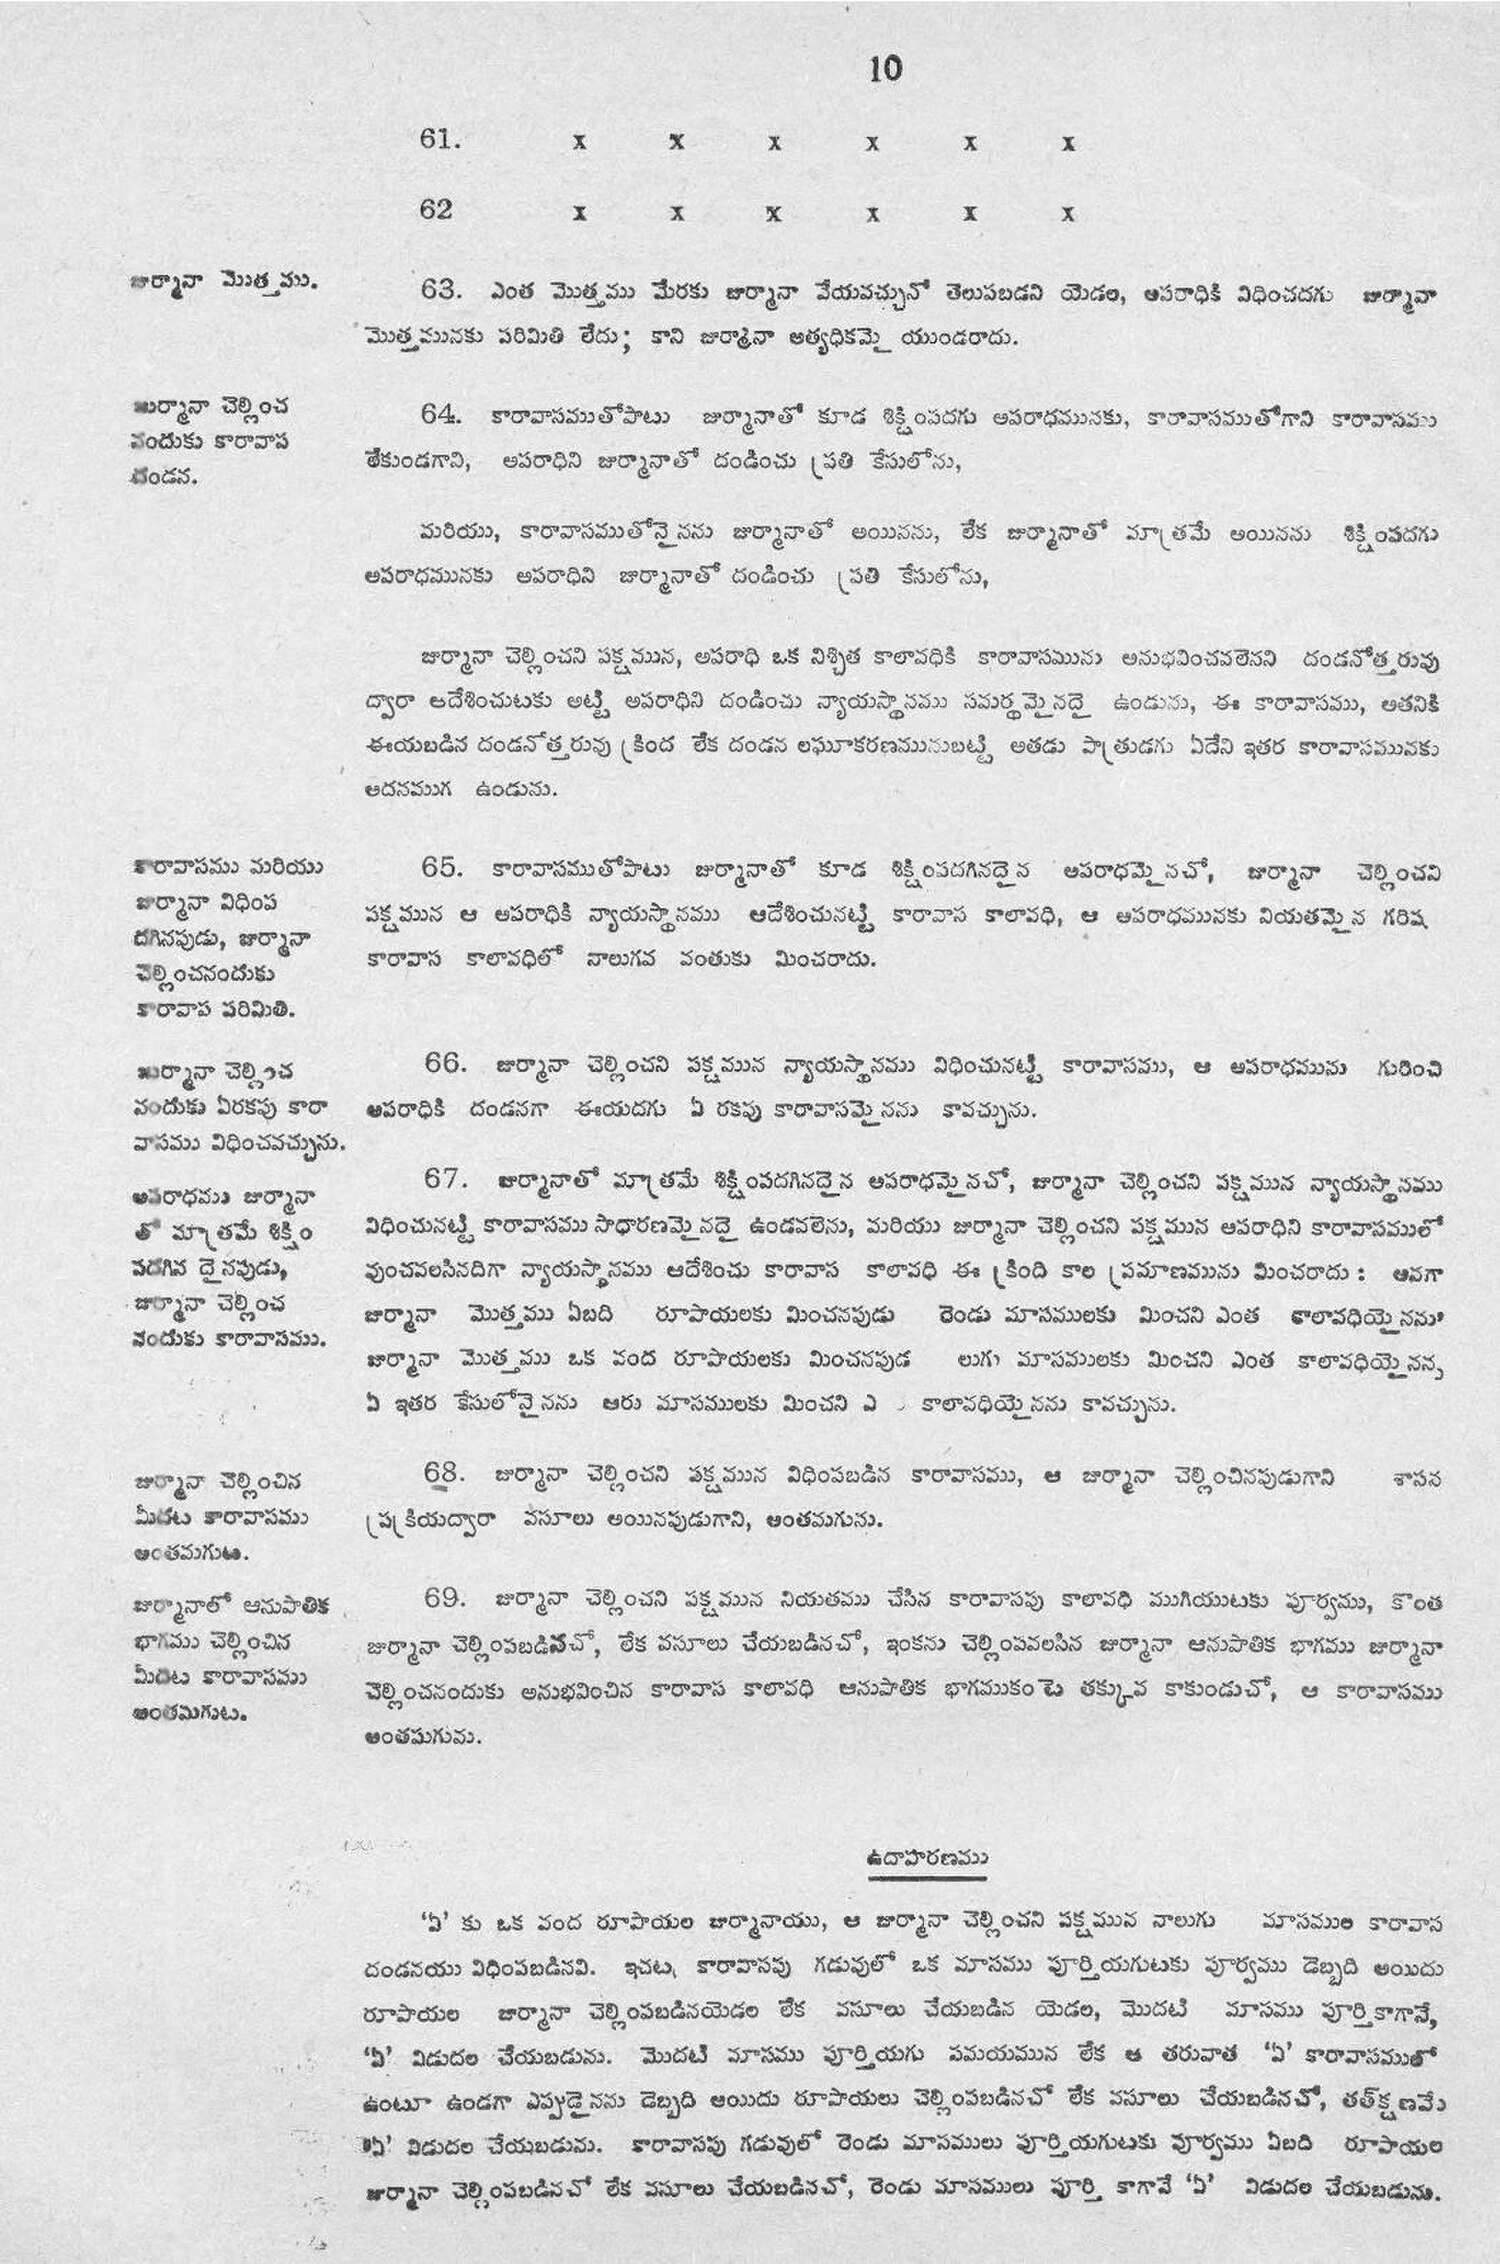61. X X X X X X

62 X X X X X X

జుర్మానా మొత్తము.

63. ఎంత మొత్తము మేరకు జర్మానా వేయవచ్చునో తెలుపబడని యెడల, ఆపరాధికి విధించదగు జుర్మానా మొత్తమునకు పరిమితి లేదు; కాని జుర్మానా అత్యధికమై యుండరాదు.

జర్మానా చెల్లించనందుకు కారావాస దండన.

64. కారావాసముతోపాటు జుర్మానాతో కూడ శిక్షింపదగు అపరాధమునకు, కారావాసముతోగాని కారావాసము లేకుండగాని, అపరాధిని జుర్మానాతో దండించు ప్రతి కేసులోను,

మరియు, కారావాసముతోనైనను జుర్మానాతో అయినను, లేక జుర్మానాతో మాత్రమే అయినను శిక్షింపదగు అపరాధము నకు అపరాధిని జుర్మానాతో దండించు ప్రతి కేసులోను,

జుర్మానా చెల్లించని పక్షమున, అపరాధి ఒక నిశ్చిత కాలావధికి కారావాసమును అనుభవించవలెనని దండనోత్తరువు
ద్వారా ఆదేశించుటకు అట్టి అపరాధిని దండించు న్యాయస్థానము సమర్థమైనదై ఉండును, ఈ కారావాసము, అతనికి
ఈయబడిన దండనోత్తరువు క్రింద లేక దండన లఘాకరణమునుబట్టి అతడు పాత్రుడగు ఏదేని ఇతర కారావాసమునకు
అదనముగ ఉండును.

కారావాసము మరియు జుర్మానా విధింపదగినపుడు, జుర్మానా చెల్లించనందుకు కారావాస పరిమితి.

65. కారావాసముతోపాటు జుర్మానాతో కూడ శిక్షింపదగినదైన అపరాధమైనచో, జూర్మానా చెల్లించని పక్షమున ఆ అపరాధికి న్యాయస్థానము ఆదేశించునట్టి కారావాస కాలావధి, ఆ ఆపరాధమునకు నియతమైన గరిష్ట కారావాస కాలావధిలో నాలుగవ వంతుకు మించరాదు.

జుర్మానా చెల్లించనందుకు ఏరకపు కారావాసము విధించవచ్చును.

66. జుర్మానా చెల్లించని పక్షమున న్యాయస్థానము విధించునట్టి కారావాసము, ఆ ఆపరాధమును గురించి అపరాధికి దండనగా ఈయదగు ఏ రకపు కారావాసమైనను కావచ్చును.

అపరాధము జుర్మానాతో మాత్రమే శిక్షింపదగిన దైనపుడు, జుర్మానా చెల్లించనందుకు కారావాసము,

67. జుర్మానాతో మాత్రమే శిక్షింపదగినదైన అపరాధమైనచో, జూర్మానా చెల్లించని పక్షమున న్యాయస్థానము విధించునట్టి కారావాసము సాధారణమైనదై ఉండవలెను, మరియు జుర్మానా చెల్లించని పక్షమున అపరాధిని కారావాసములో
వుంచవలసినదిగా న్యాయస్థానము ఆదేశించు కారావాస కాలావధి ఈ క్రింది కాల ప్రమాణమును మించరాదు : అనగా
జర్మానా మొత్తము ఏబది రూపాయలకు మించనపుడు రెండు మాసములకు మించని ఎంత కాలావధియైనను"
జుర్మానా మొత్తము ఒక వంద రూపాయలకు మించనపుడు లుగు మాసములకు మించని ఎంత కాలావధియైనన్న ఏ ఇతర కేసులోనైనను ఆరు మాసములకు మించని ఎ కాలావధియైనను కావచ్చును.

జుర్మానా చెల్లించిన మీదట కారావాసము అంతమగుట.

68. జుర్మానా చెల్లించని పక్షమున విధింపబడిన కారావాసము, ఆ జుర్మానా చెల్లించినపుడుగాని శాసన ప్రక్రియ ద్వారా వసూలు అయినపుడుగాని, అంతమగును.

జూర్మానాలో ఆనుపాతిక భాగము చెల్లించిన మీదట కారావాసము అంతమగుట.

69. జుర్మానా చెల్లించని పక్షమున నియతము చేసిన కారావాసపు కాలావధి ముగియుటకు పూర్వము, కొంత జుర్మానా చెల్లింపబడినచో, లేక వసూలు చేయబడినచో, ఇంకను చెల్లింపవలసిన జుర్మానా ఆనుపాతిక భాగము జుర్మానా
చెల్లించనందుకు అనుభవించిన కారావాస కాలావధి ఆనుపాతిక భాగముకంటె తక్కువ కాకుండుచో, ఆ కారావాసము
అంతమగును.

'ఏ' కు ఒక వంద రూపాయల జూర్మానాయు, ఆ జూర్మానా చెల్లించని పక్షమున నాలుగు మాసముల కారావాస దండనయు విధింపబడినవి. ఇచట కారావాసపు గడువులో ఒక మాసము పూర్తి యగుటకు పూర్వము డెబ్బది అయిదు
రూపాయల జుర్మానా చెల్లింపబడినయెడల లేక వసూలు చేయబడిన యెడల, మొదటి మాసము పూర్తి కాగానే,
'ఏ' విడుదల చేయబడును. మొదటి మాసము పూర్తి యగు సమయమున లేక ఆ తరువాత 'ఏ' కారావాసముతో
ఉంటూ ఉండగా ఎప్పుడైనను డెబ్బది అయిదు రూపాయలు చెల్లింపబడినచో లేక వసూలు చేయబడినచో, తత్ క్షణమే
'ఏ' విడుదల చేయబడును. కారావాసపు గడువులో రెండు మాసములు పూర్తి యగుటకు పూర్వము ఏబది రూపాయల
జూర్మానా చెల్లింపబడినచో లేక వసూలు చేయబడినచో, రెండు మాసములు పూర్తి కాగానే 'ఏ' విడుదల చేయబడును.